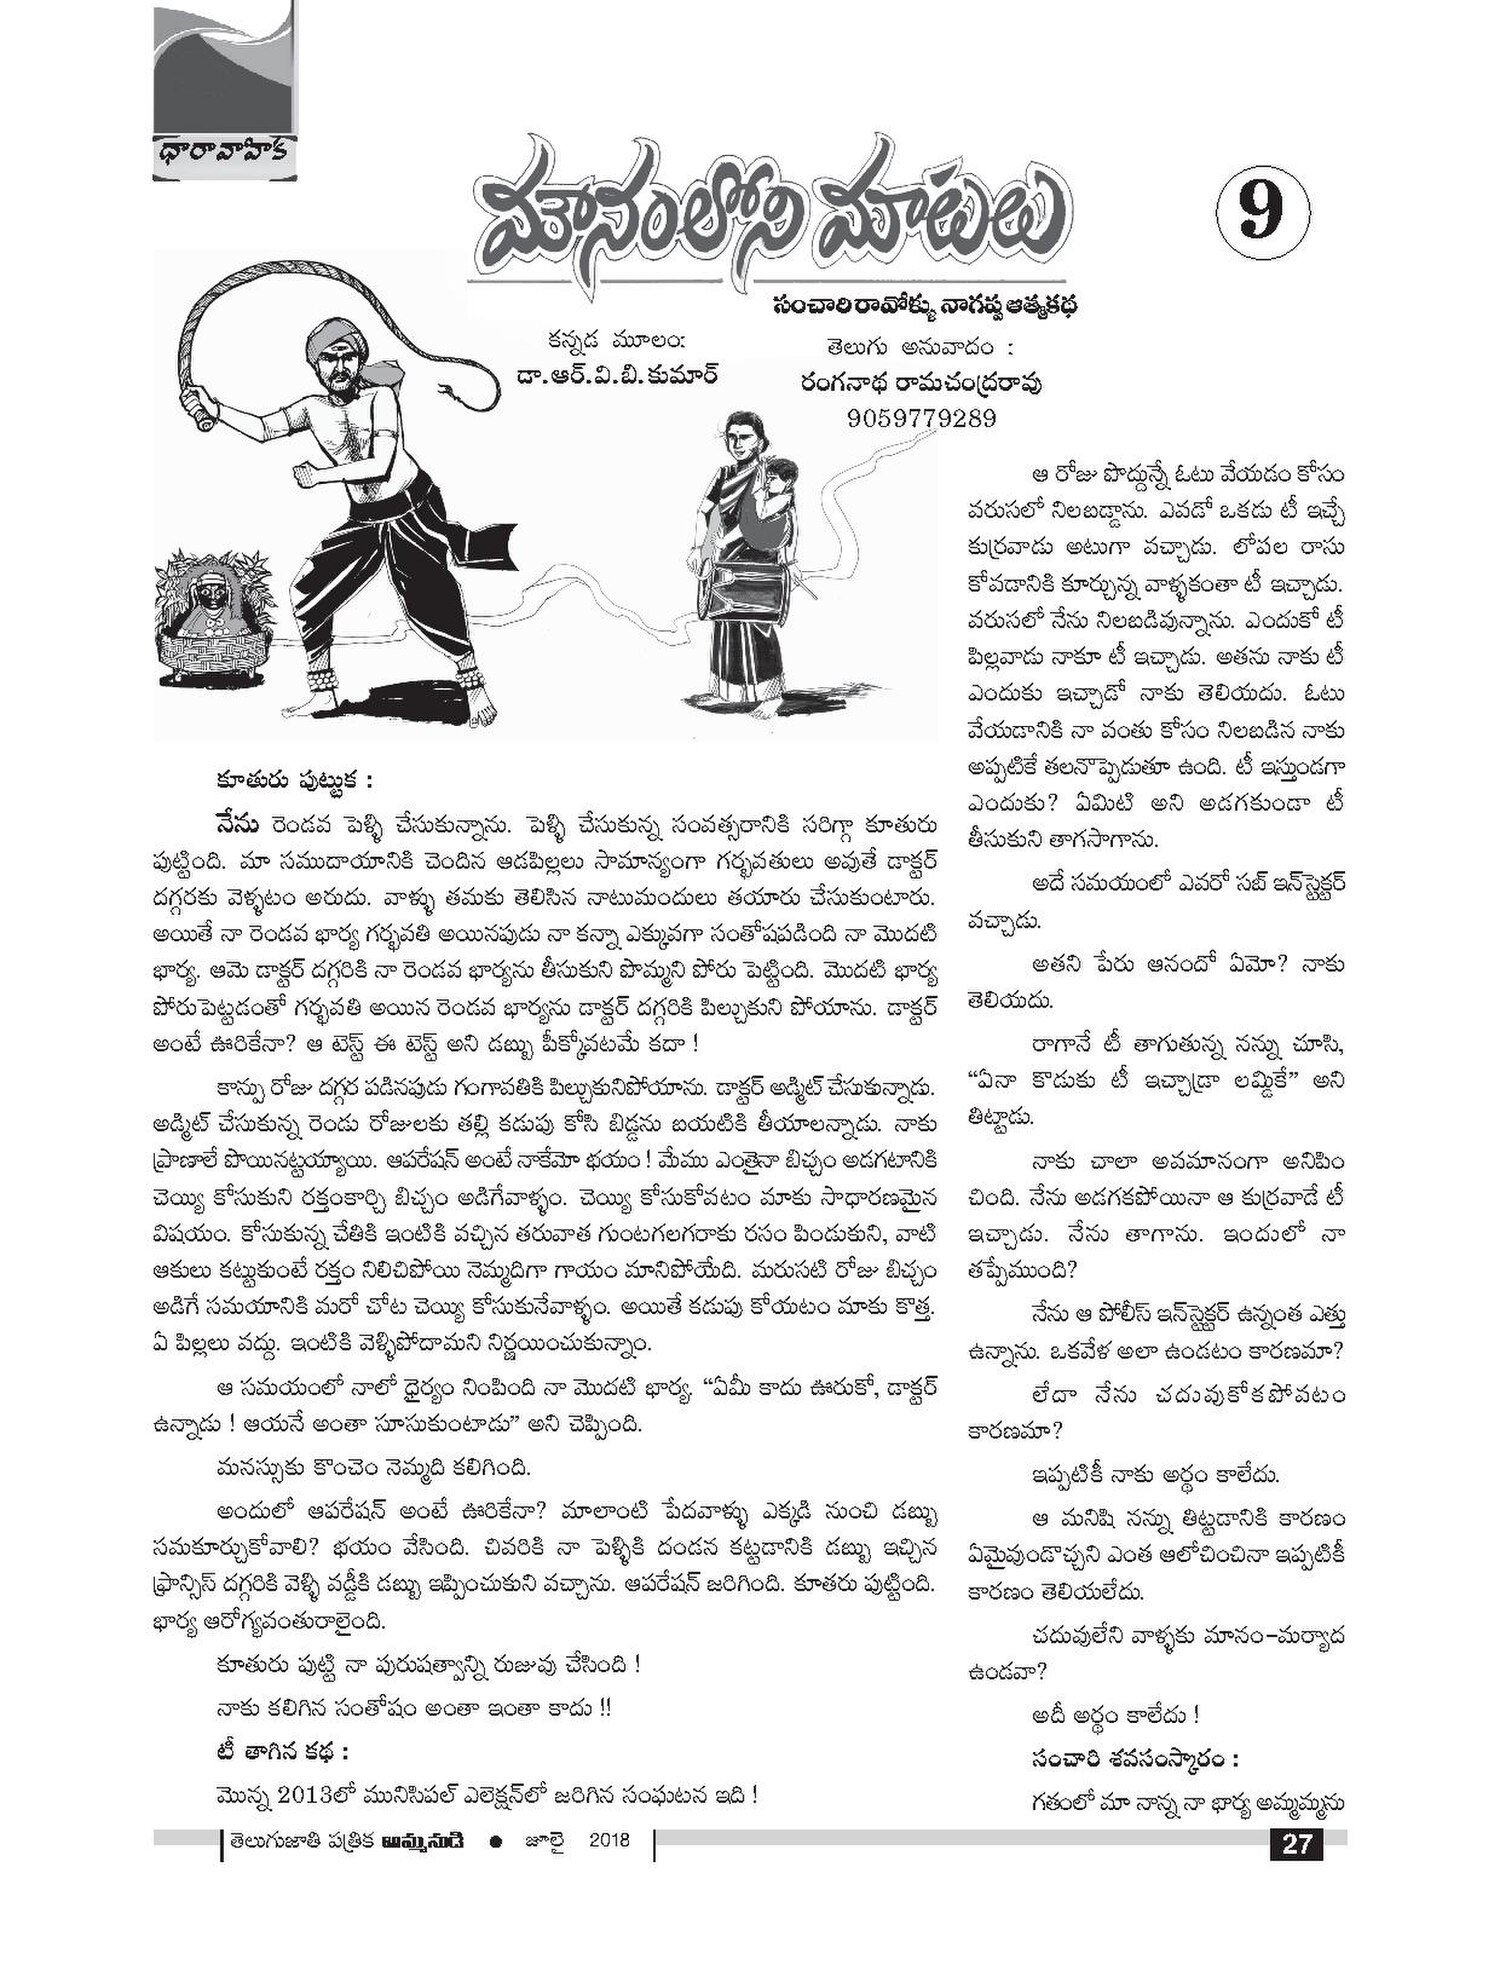కూతురు పుట్టుక

నేను రెండవ పెళ్ళి చేసుకున్నాను. పెళ్ళి చేసుకున్న సంవత్సరానికి సరిగ్గా కూతురు పుట్టింది. మా సముదాయానికి చెందిన ఆడపిల్లలు సామాన్యంగా గర్భవతులు అవుతే డాక్టర్ దగ్గరకు వెళ్లటం అరుదు. వాళ్ళు తమకు తెలిసిన నాటుమందులు తయారు చేసుకుంటారు. అయితే నా రెండవ భార్య గర్భవతి అయినప్పుడు నా కన్నా ఎక్కువగా సంతోషపడింది నా మొదటి భార్య. ఆమె డాక్టర్ దగ్గరకి నా రెండవ భార్యను తీసుకుని పొమ్మని పోరు పెట్టింది. మొదటి భార్య పోరుపెట్టడంతో గర్భవతి అయిన రెండవ భార్యను డాక్టర్ దగ్గరకి పిల్చుకుని పోయాను. డాక్టర్ అంటే ఊరికేనా? ఆ టెస్ట్ ఈ టెస్ట్ అని డబ్బు పీక్కోవటమే కదా!

కాన్పు రోజు దగ్గర పడినపుడు గంగావతికి పిల్చుకునిపోయాను. డాక్టర్ అడ్మిట్ చేసుకున్నాడు. అడ్మిట్ చేసుకున్న రెండు రోజులకు తల్లి కడుపు కోసి బిడ్డను బయటికి తీయాలన్నాడు. నాకు ప్రాణాలే పోయినట్టయ్యాయి. ఆపరేషన్ అంటే నాకేమో భయం! మేము ఎంతైనా బిచ్చం అడగటానికి చెయ్యి కోసుకుని రక్తంకార్చి బిచ్చం అడిగేవాళ్ళం. చెయ్యి కోసుకోవటం మాకు సాధారణమైన విషయం. కోసుకున్న చేతికి ఇంటికి వచ్చిన తరువాత గుంటగలగరాకు రసం పిండుకుని, వాటి ఆకులు కట్టుకుంటే రక్తం నిలిచిపోయి నెమ్మదిగా గాయం మానిపోయేది. మరుసటి రోజు బిచ్చం అడిగే సమయానికి మరో చోట చెయ్యి కోసుకునేవాళ్ళం. అయితే కడుపు కోయటం మాకు కొత్త. ఏ పిల్లలు వద్దు. ఇంటికి వెళ్ళిపోదామని నిర్ణయించుకున్నాం.

ఆ సమయంలో నాలో ధైర్యం నింపింది నా మొదటి భార్య. "ఏమీ కాదు ఊరుకో, డాక్టర్ ఉన్నాడు! ఆయనే అంతా చూసుకుంటాడు" అని చెప్పింది.

మనస్సుకు కొంచెం నెమ్మది కలిగింది.

అందులో ఆపరేషన్ అంటే ఊరికేనా? మాలాంటి పేదవాళ్ళు ఎక్కడి నుంచి డబ్బు సమకూర్చుకోవాలి? భయం వేసింది. చివరికి నా పెళ్ళికి దండన కట్టడానికి డబ్బు ఇచ్చిన ఫ్రాన్సిస్ దగ్గరికి వెళ్ళి వడ్డీకి డబ్బు ఇప్పించుకుని వచ్చాను. ఆపరేషన్ జరిగింది. కూతురు పుట్టింది. భార్య ఆరోగ్యవంతురాలైంది.

కూతురు పుట్టి నా పురుషత్వాన్ని రుజువు చేసింది!

నాకు కలిగిన సంతోషం అంతా ఇంతా కాదు!!!

టీ తాగిన కథ 

మొన్న 2013లో మునిసిపల్ ఎలక్షన్‌లో జరిగిన సంఘటన ఇది!

ఆరోజు పొద్దున్నే ఓటు వేయడం కోసం వరుసలో నిలబడ్డాను. ఎవడో ఒకడు టీ ఇచ్చే కుర్రవాడు అటుగా వచ్చాడు. లోపల రాసు కోవడానికి కూర్చున్న వాళ్ళకంతా టీ ఇచ్చాడు. వరుసలో నేను నిలబడివున్నాను. ఎందుకో టీ పిల్లవాడు నాకూ టీ ఇచ్చాడు. అతను నాకు టీ ఎందుకు ఇచ్చాడో నాకు తెలియదు. ఓటు వేయడానికి నా వంతు కోసం నిలబడిన నాకు అప్పటికే తలనొప్పెడుతూ ఉంది. టీ ఇస్తుండగా ఎందుకు? ఏమిటి అని అడగకుండా టీ తీసుకుని తాగసాగాను.

అదే సమయంలో ఎవరో సబ్ ఇన్‌స్పెక్టర్ వచ్చాడు.

అతని పేరు ఆనందో ఏమో? నాకు తెలియదు.

రాగానే టీ తాగుతున్న నన్ను చూసి, "ఏనా కొడుకు టీ ఇచ్చాడ్రా లమ్డికే" అని తిట్టాడు.

నాకు చాలా అవమానంగా అనిపించింది. నేను అడగకపోయినా ఆ కుర్రవాడే టీ ఇచ్చాడు. నేను తాగాను ఇందులో నా తప్పేముంది?

నేను ఆ పోలీస్ ఇన్‌స్పెక్టర్ ఉన్నంత ఎత్తు ఉన్నాను. ఒకవేళ అలా ఉండడం కారణమా?

లేదా నేను చదువుకోకపోవటం కారణమా?

ఇప్పటికీ నాకు అర్థం కాలేదు.

ఆ మనిషి నన్ను తిట్టడానికి కారణం ఏమైవుండొచ్చని ఎంత ఆలోచించినా ఇప్పటికీ కారణం తెలియలేదు.

చదువులేని వాళ్ళకు మానం-మర్యాద ఉండవా?

అదీ అర్థం కాలేదు!

సంచారి శవసంస్కారం 

గతంలో మా నాన్న నా భార్య అమ్మమ్మను